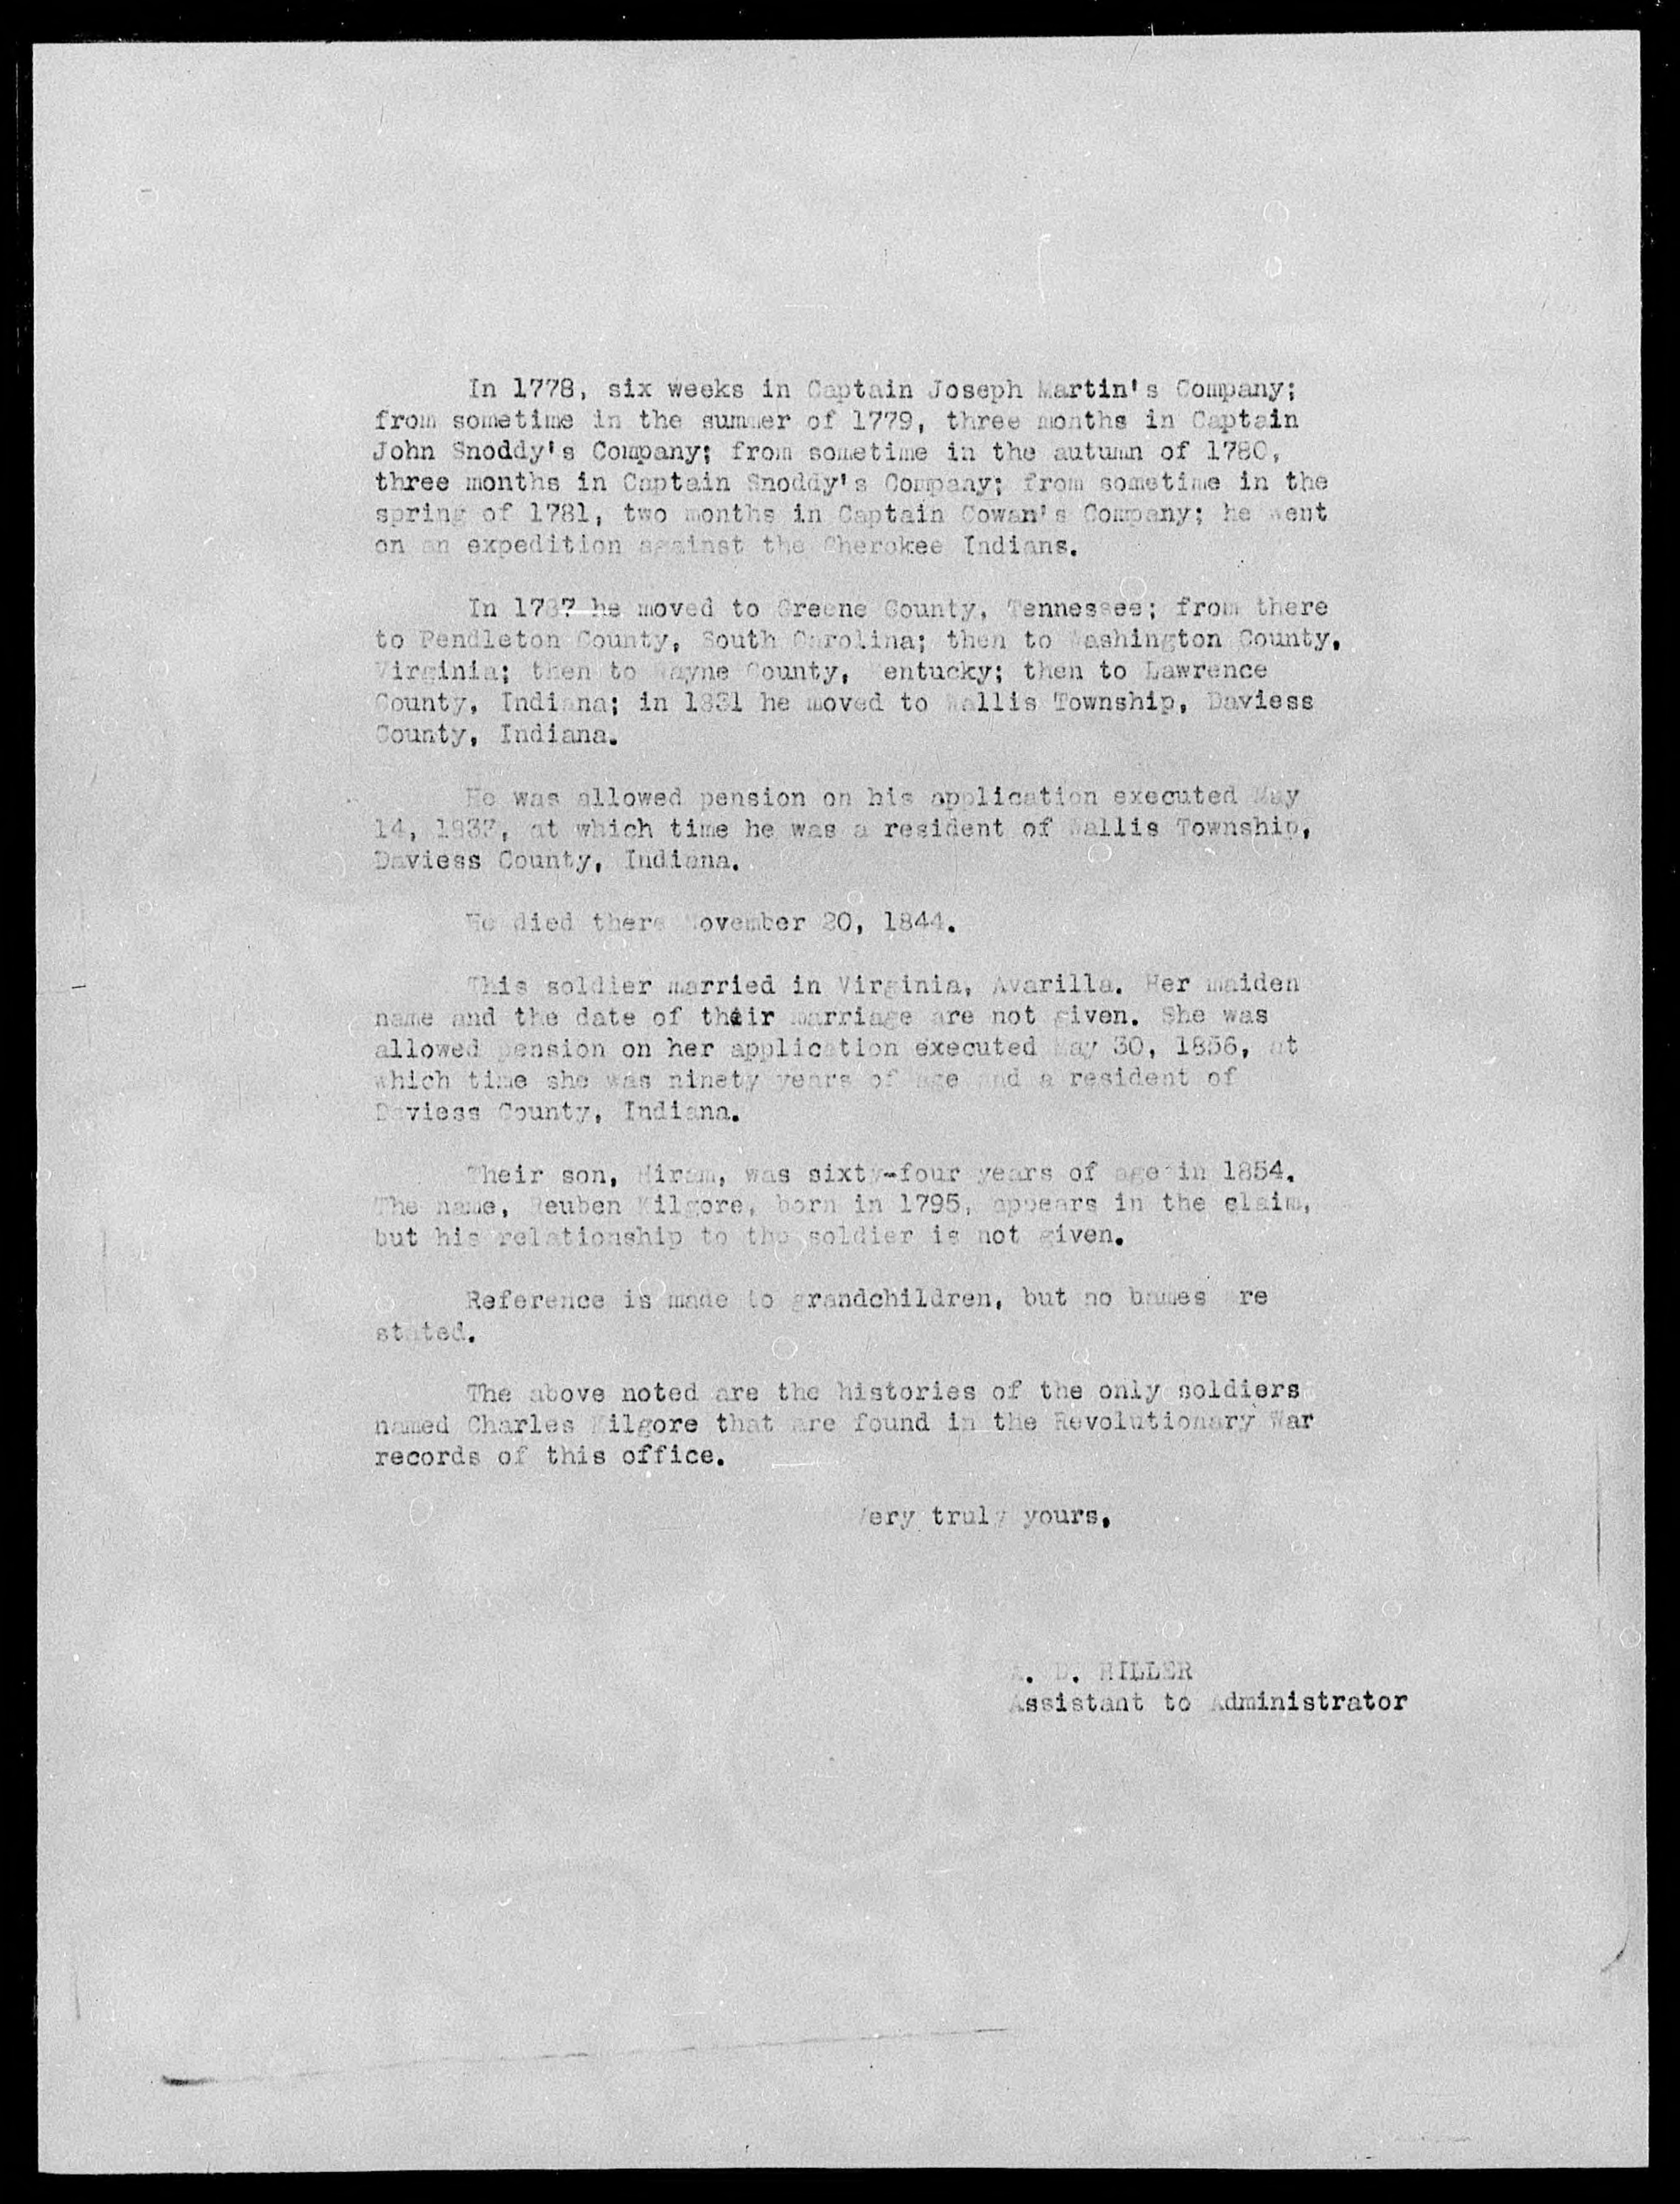In 1778, isx weeks in Captain Joseph Martin's Company; from sometime in the summer of 1779, three months in Captain John Snoddy's Company; from sometime in the autumn of 1780, three months in Captain Snoddy's Company; from sometime in the spring of 1781, two months in Captain Cowan's Company; he went on an expedtion against the Cherokee Indians.
In 1787 he moved to Greene County, Tennessee; from there to Pendleton County, South Carolina; then to Washington County, Virginia; then to Wayne County, Kentucky; then to Lawrence County, Indiana; in 1831 he moved to Wallis Township, Daviess County, Indiana.
He was allowed pension on his application executed May 14, 1837, at which time he was a resident of Wallis Township, Daviess County, Indiana.
He died there November 20, 1844.
This soldier married in Virginia, Avarilla. Her maiden name and the date of their marriage are not given. She was allowed pension on her application executed May 30, 1856, at which time she was ninety years of age and a resident of Daviess County, Indiana.
Their son, Hiram, was sixty-four years of age in 1854. The name, Reuben Kilgore, born in 1795, appears in the claim, but his relationship to the soldier is not given.
Reference is made ot grandchildren, but no names are stated.
The above noted are the histories of the only soldiers named Charles Kilgore that are found in the Revolutionary War records of this office.
Very truly yours,
A. D. HILLER
Assistant to the Administrator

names: Reuben Kilgore; A D Hiller; Charles Kilgore; Hiram [BLANK]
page: 19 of 115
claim: survivor's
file: S. 699, for Charles Kilgore, Virginia